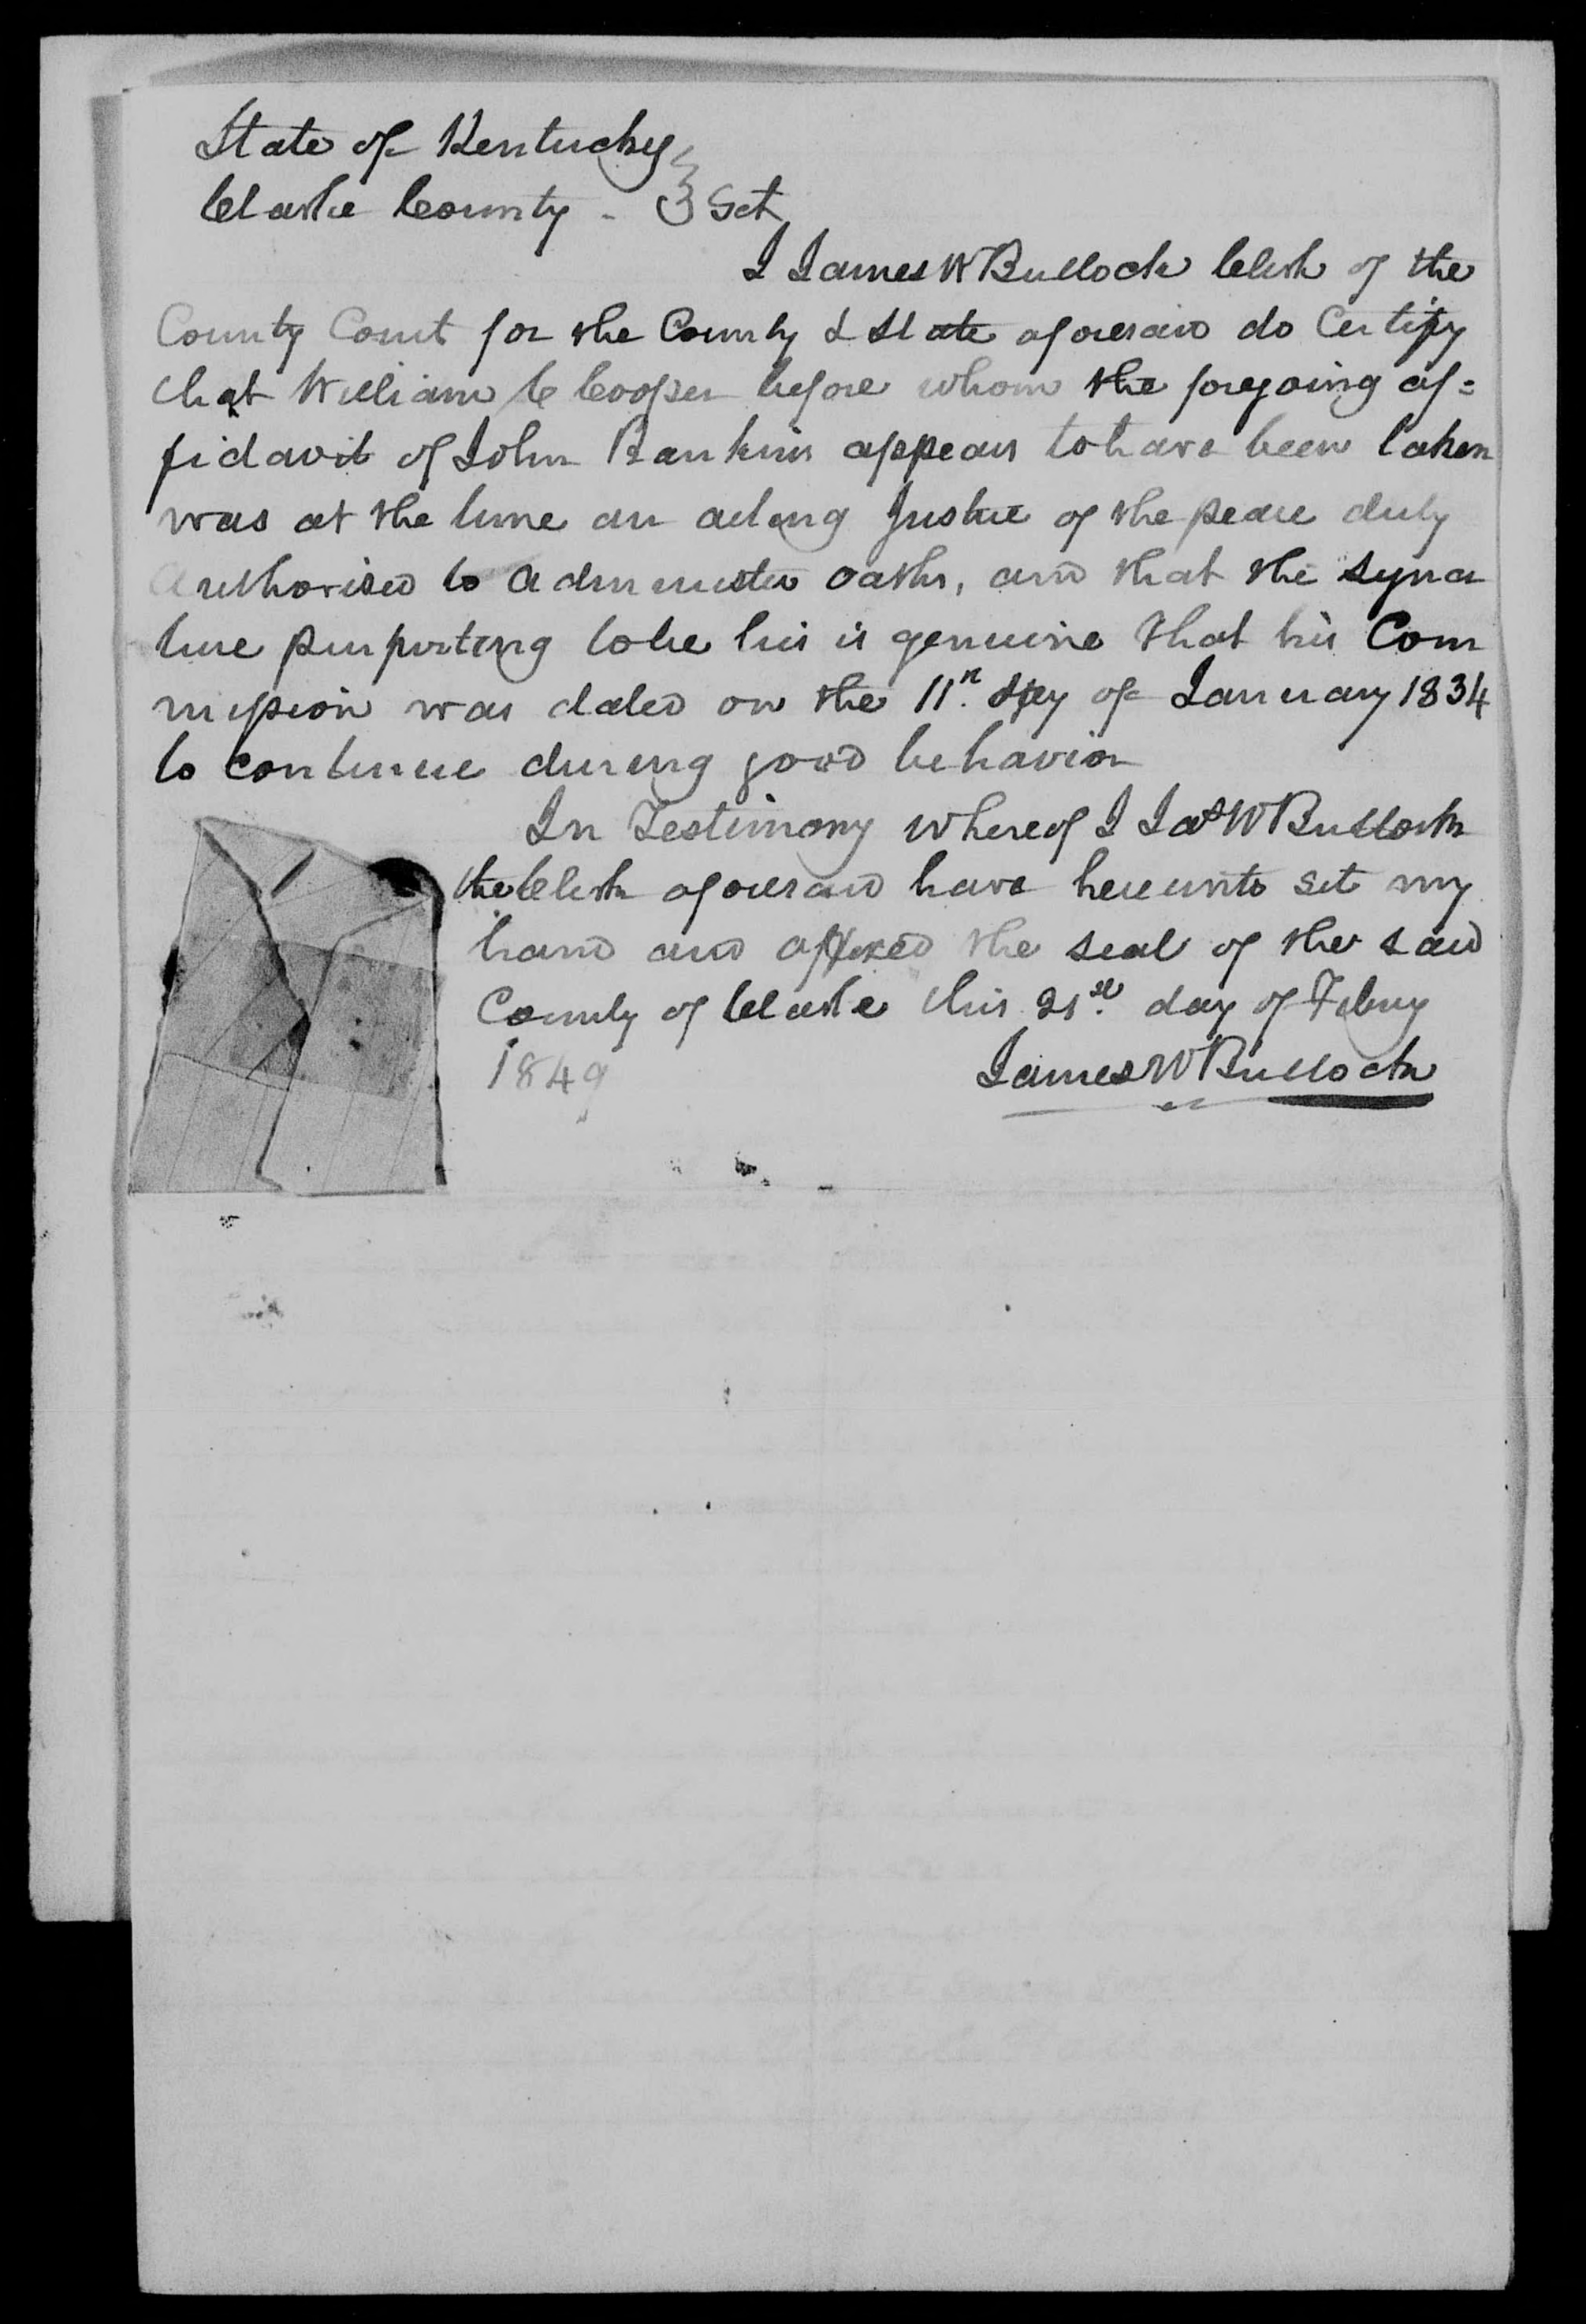State of Kentucky
Clarke County Sct
I James W Bullock Clerk of the County Court for the County & State aforesaid do certify
that William C Cooper before whom the foregoing affidavit of John Rankins appears to have been taken was at the time an acting Justice of the peace duly authorised to administer oaths, and that the synature purporting to be his is genuine That his com
mission was dated on the 11th day of January 1834 to continue during good behavior
In Testimony whereof I Jas W Bullock
the Clerk aforesaid have hereunto set my
hand and affixed the seal of the said
County of Clarke this 21st day of Febry 1849
James W Bullock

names: James W Bullock, William C Cooper, John Rankins, Jas W Bullock, James W Bullock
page: 44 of 84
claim: widow's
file: W. 7744, Daniel Hickey, Penn.